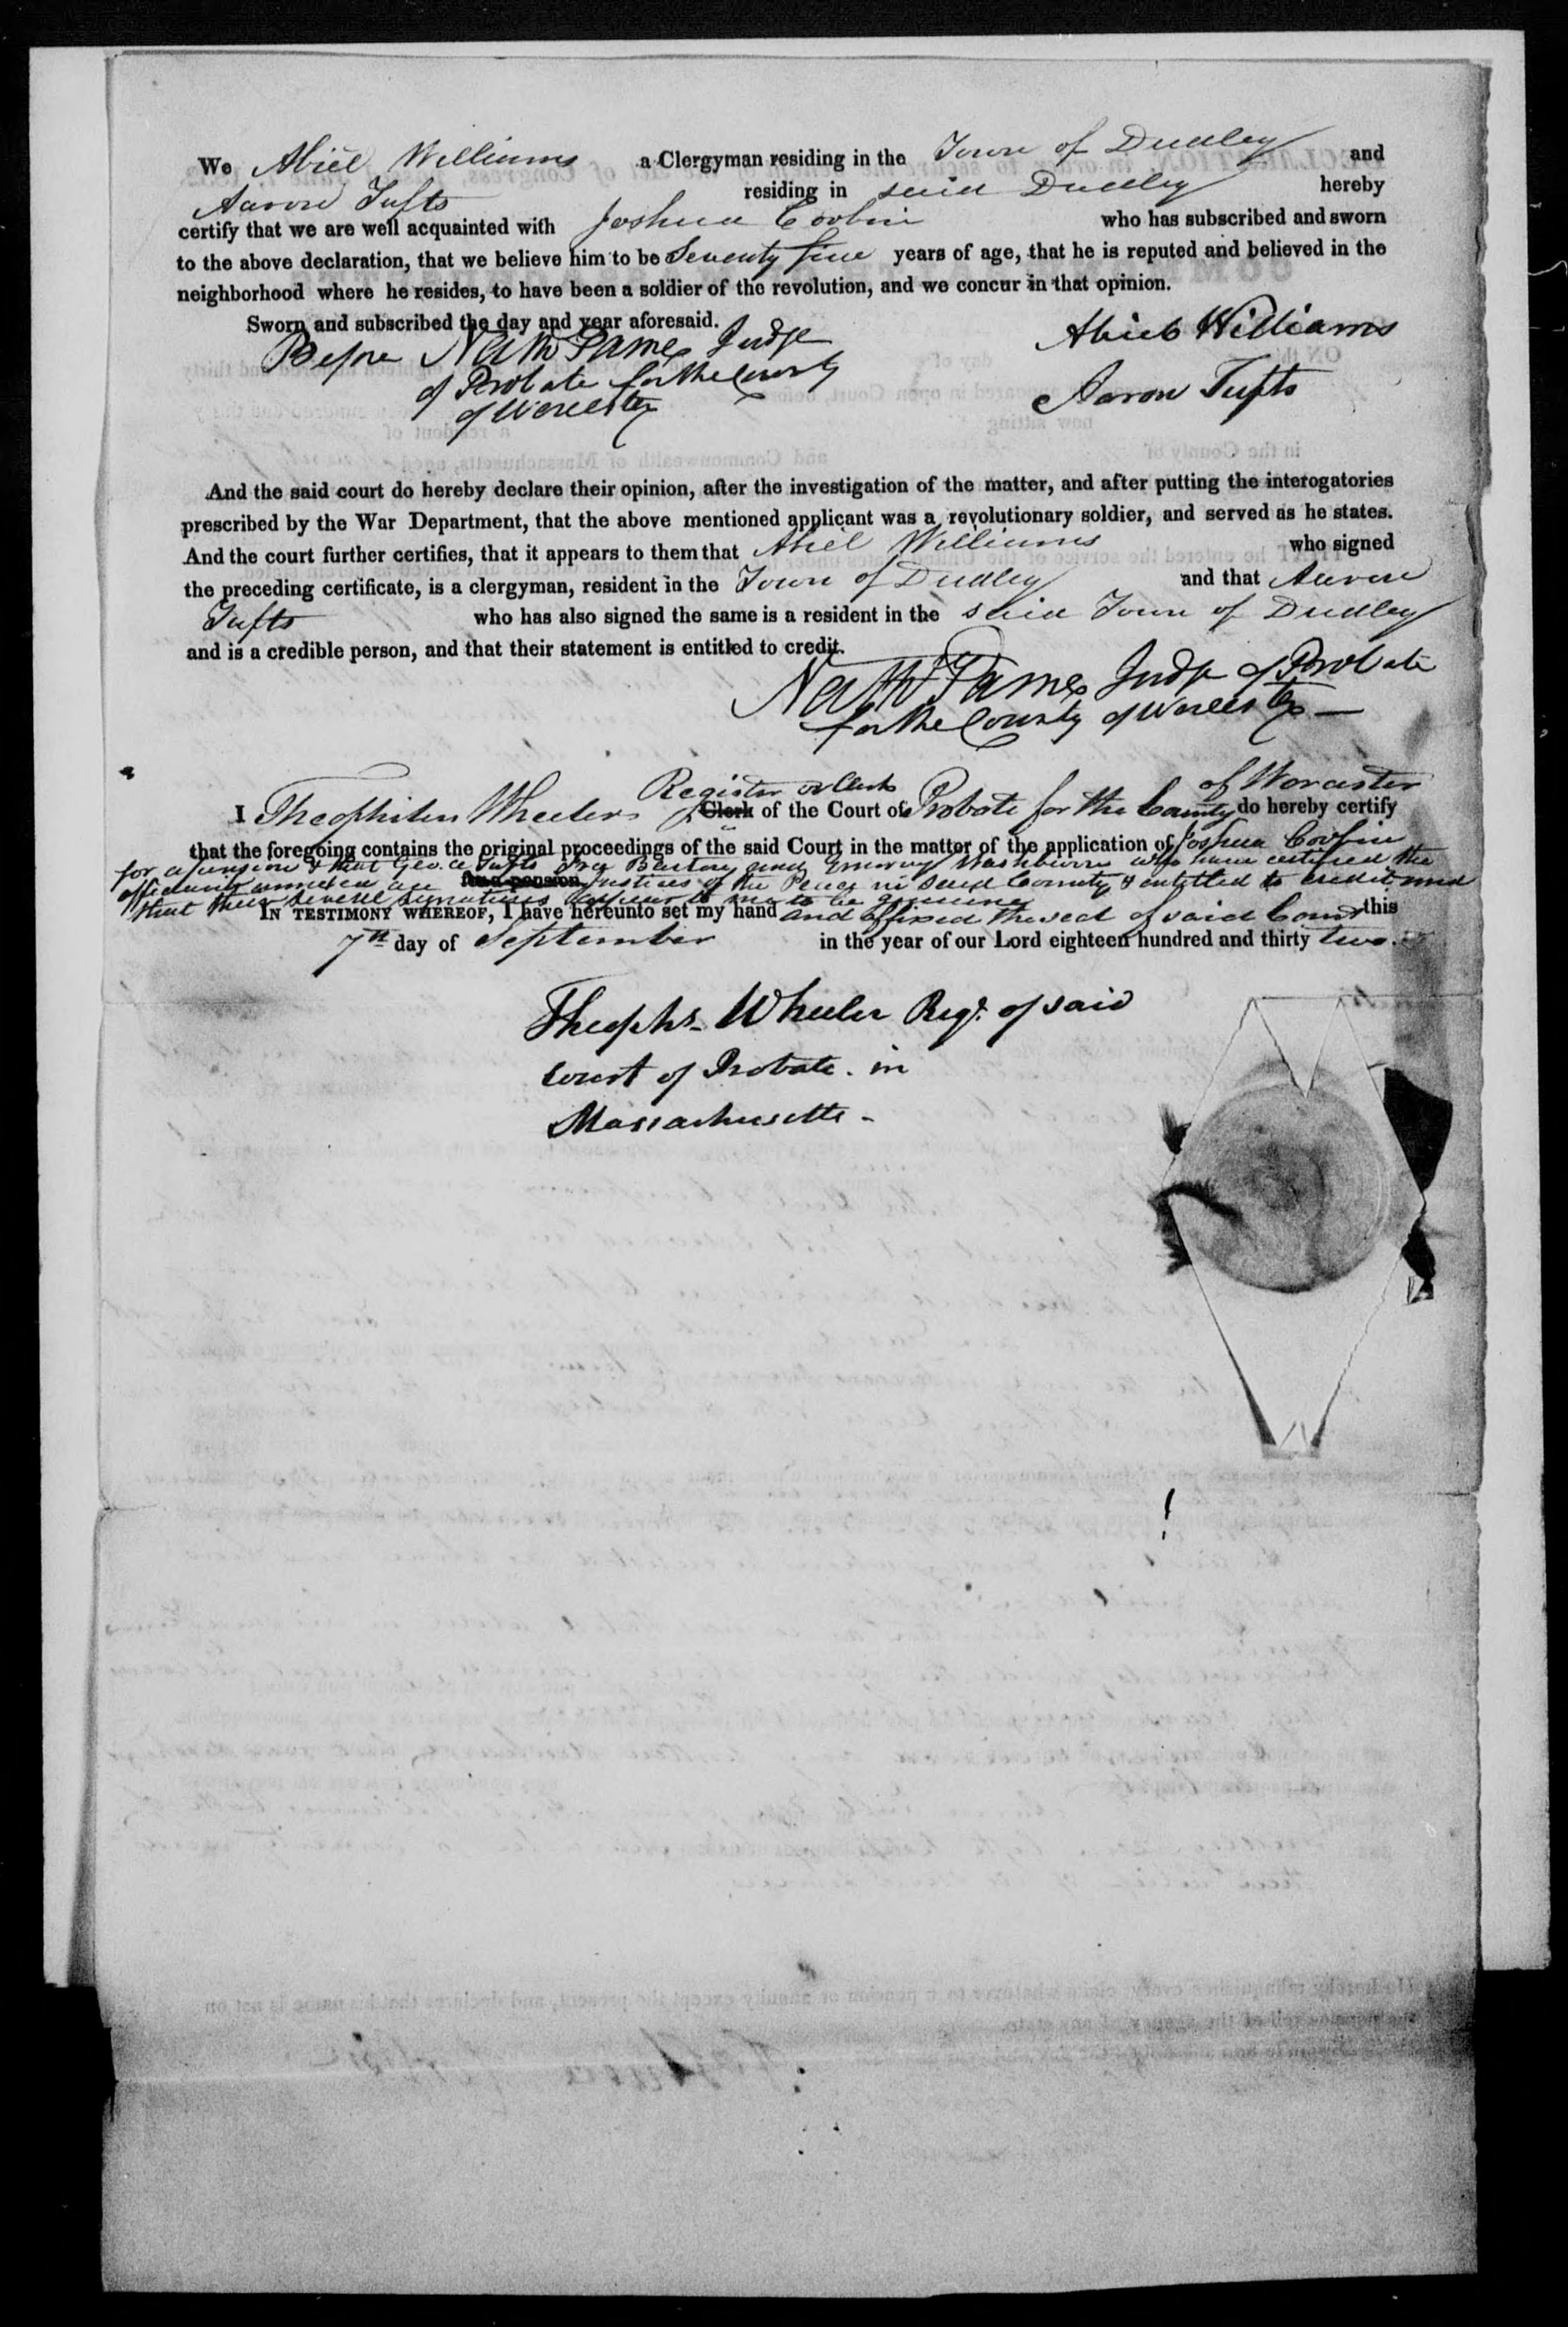We Abiel Williams a Clergyman residing in the Town of Dudley and Aaron Tufts residing in said Dudley hereby certify that we are well acquainted with Joshua Corbin who has subscribed and sworn to the above declaration that we believe him to be Seventy Five years of age, that he is reputed and believed in the neighborhood where he resides, to have been a soldier of the revolution, and we concur in that opinion.
Sworn and subscribed the day and year aforesaid.
(illegible)
Abiel Williams
Aaron Tufts

And the said court do hereby declare their opinion, after the investigation of the matter, and after putting the interogatories prescribed by the War Department, that the above mentioned applicant was a revolutionary soldier, and served as he states. And the court further certifies, that it appears to them that Abiel Williams who signed the preceding certificate, is a clergyman, resident in the Town of Dudley and that Aaron Tufts who has also signed the same is a resident in the said Town of Dudley and is a credible person, and that their statement is entitled to credit.

Nathaniel Paine, Judge of Probate for the County of Worcester

Theophilus Wheeler, Registrar of Clerks of the Court of Probate for the County of Worcester do hereby certify that the foregoing contains the original proceedings of the said Court in the matter of the application of Joshua Corbin for a pension (illegible) George Tufts ...
In testimony whereof, I have hereunto set my hand and official seal of said county this 7th day of September in the year of our Lord eighteen hundred and thirty two 

Theophilus Wheeler Reg of said
Court of Probate in Massachusetts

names: Abiel Williams, Aaron Tufts, Abiel Williams, Aaron Tufts, Theophs Wheeler, Ira Barton, Theophilus Wheeler, Geo A Tufts, Nathl Paine, Aaron Tufts, Emeroy Washburn, Joshua Corbin, Nathl Paine, Abiel Williams, Joshua Corbin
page: 4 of 34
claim: survivor's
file: S. 12581, Joshua Corbin, Mass.